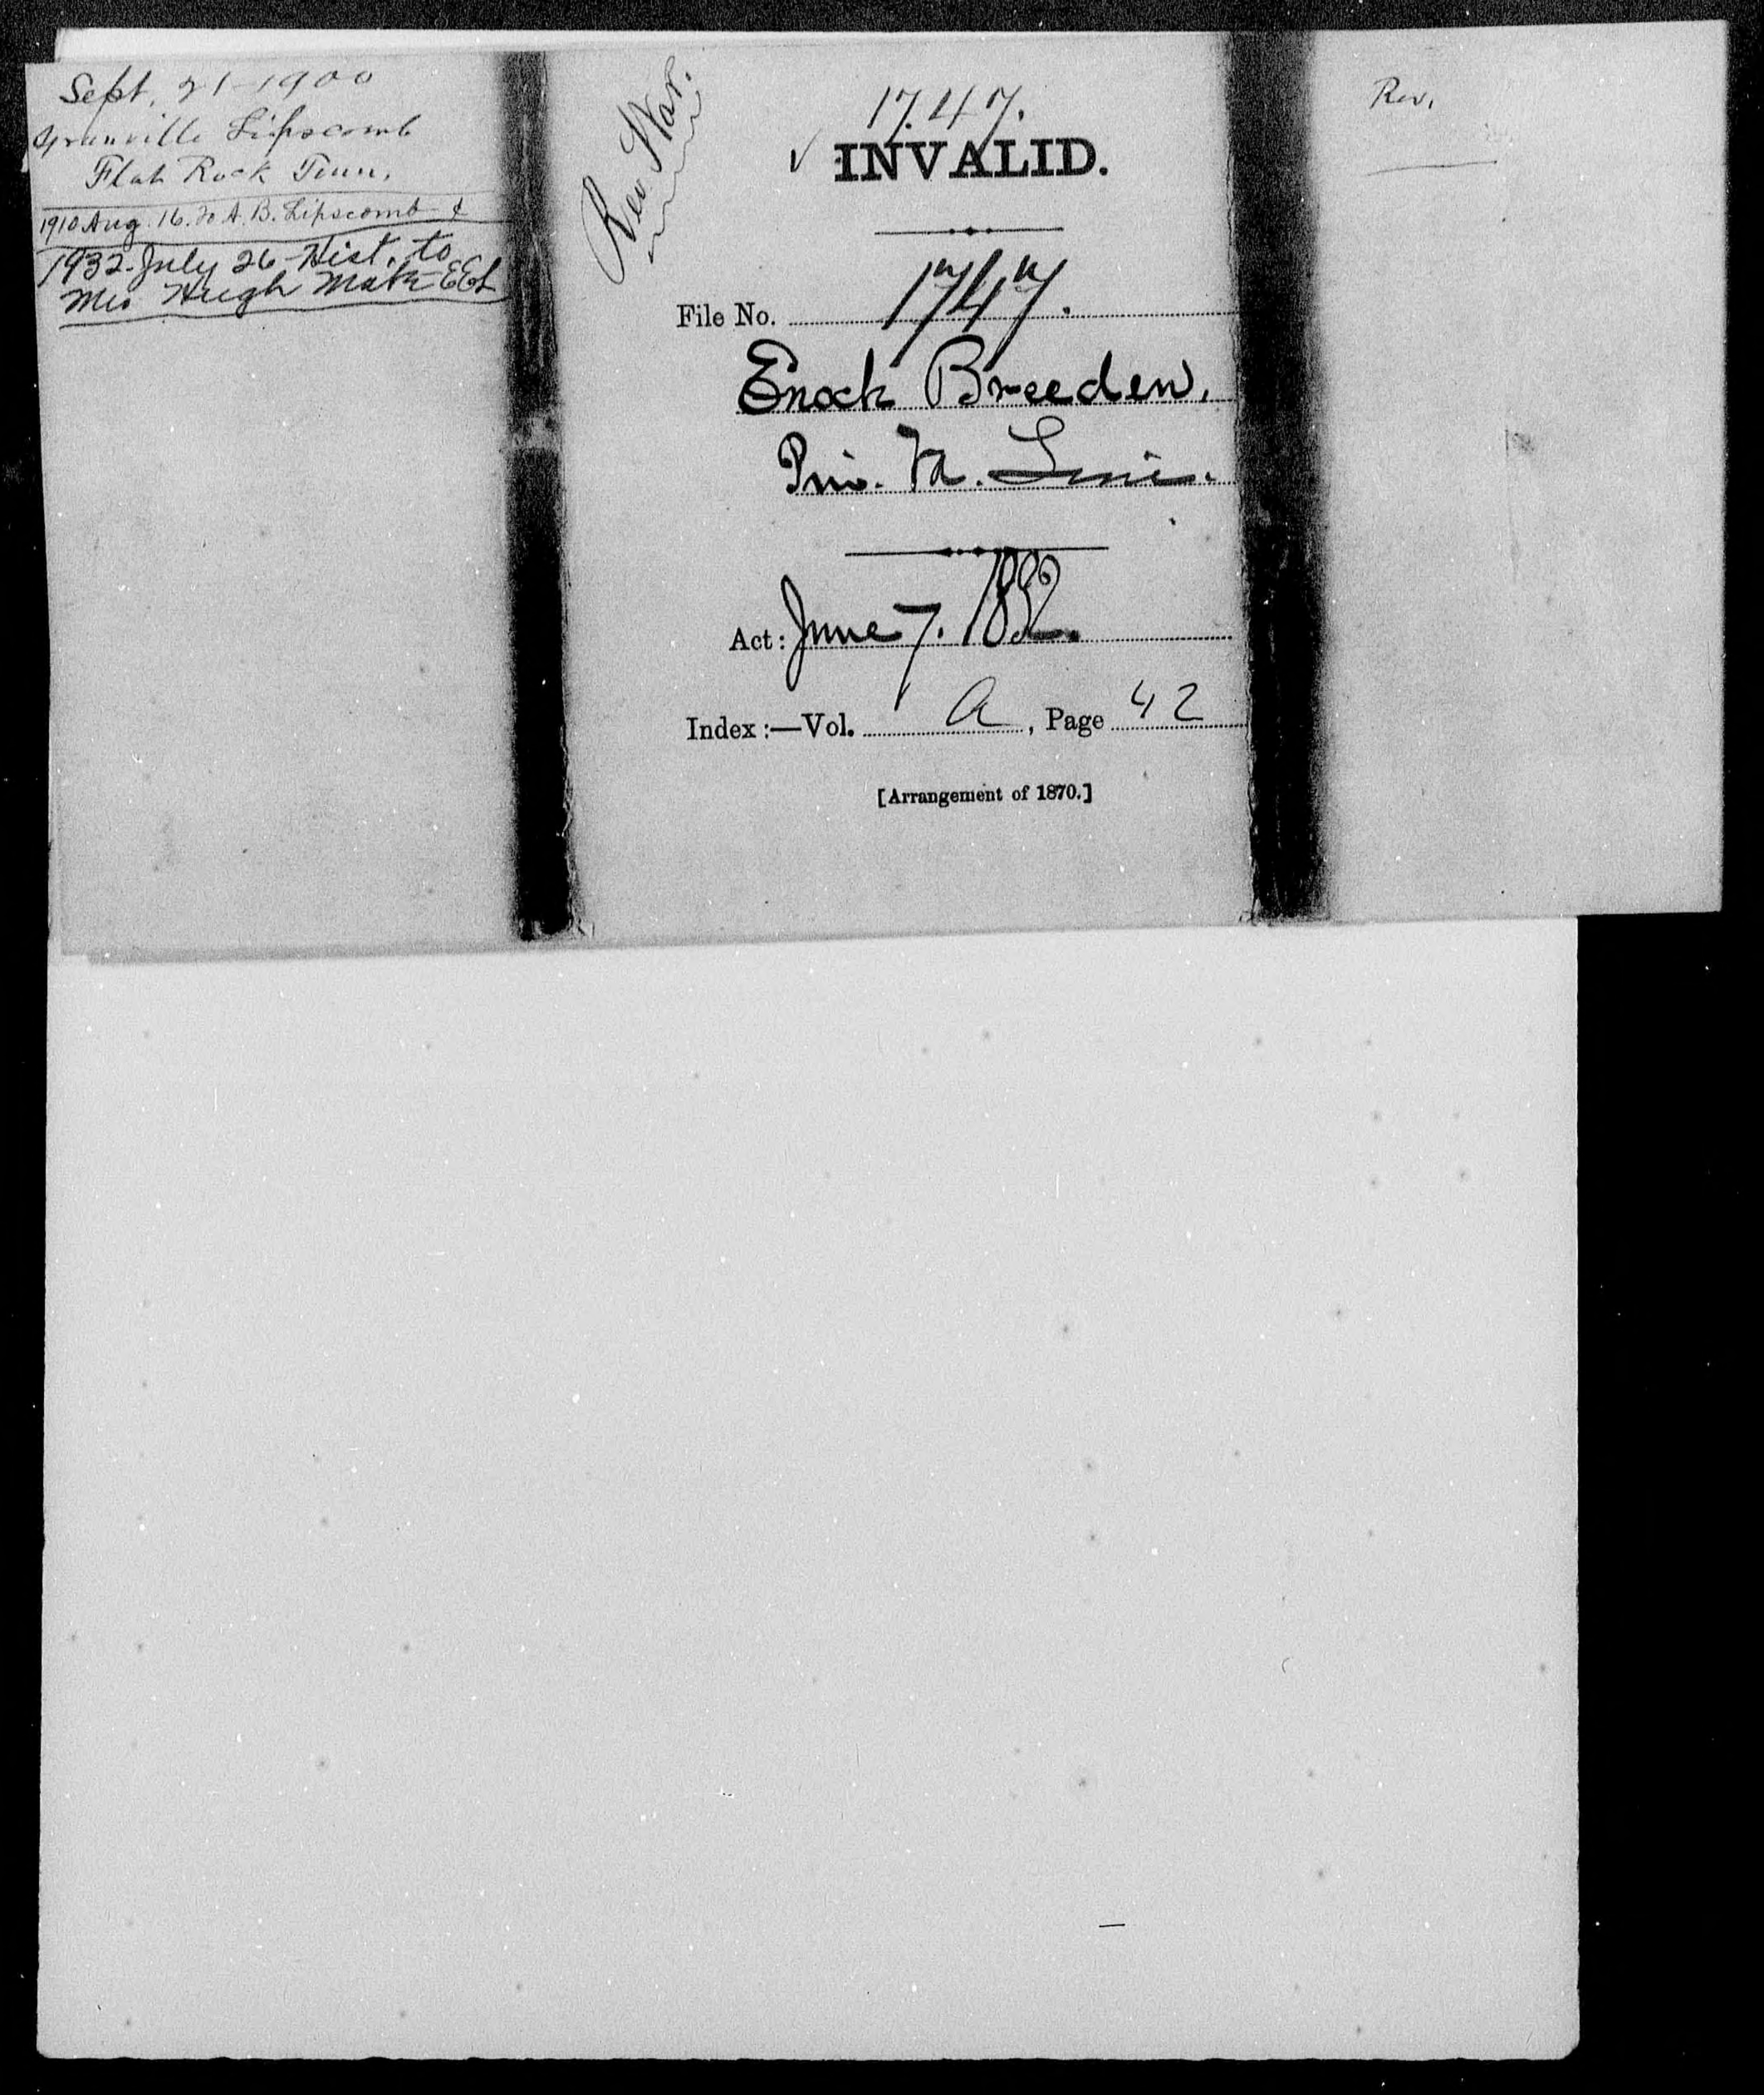Sept. 21, 1900 
Granville Lipscomb 
Flat Rock Tenn 

1910 Aug 16 to A.B. Lipscomb 

1932 July 26 Hist. To Mrs. Hugh Mate-EEL

REV WAR
1747
INVALID
File No. 1747
Enoch Breeden
Priv. Va. Innis 
Act: June 7, 1832 
Index:-- Vol. A, Page 42 
Arrangement of 1870] 

Rev.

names: Enoch Breeden, Granville Lipscomb, Hugh Mabe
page: 14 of 27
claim: survivor's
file: S. 1747, Enoch Breeden, Va.